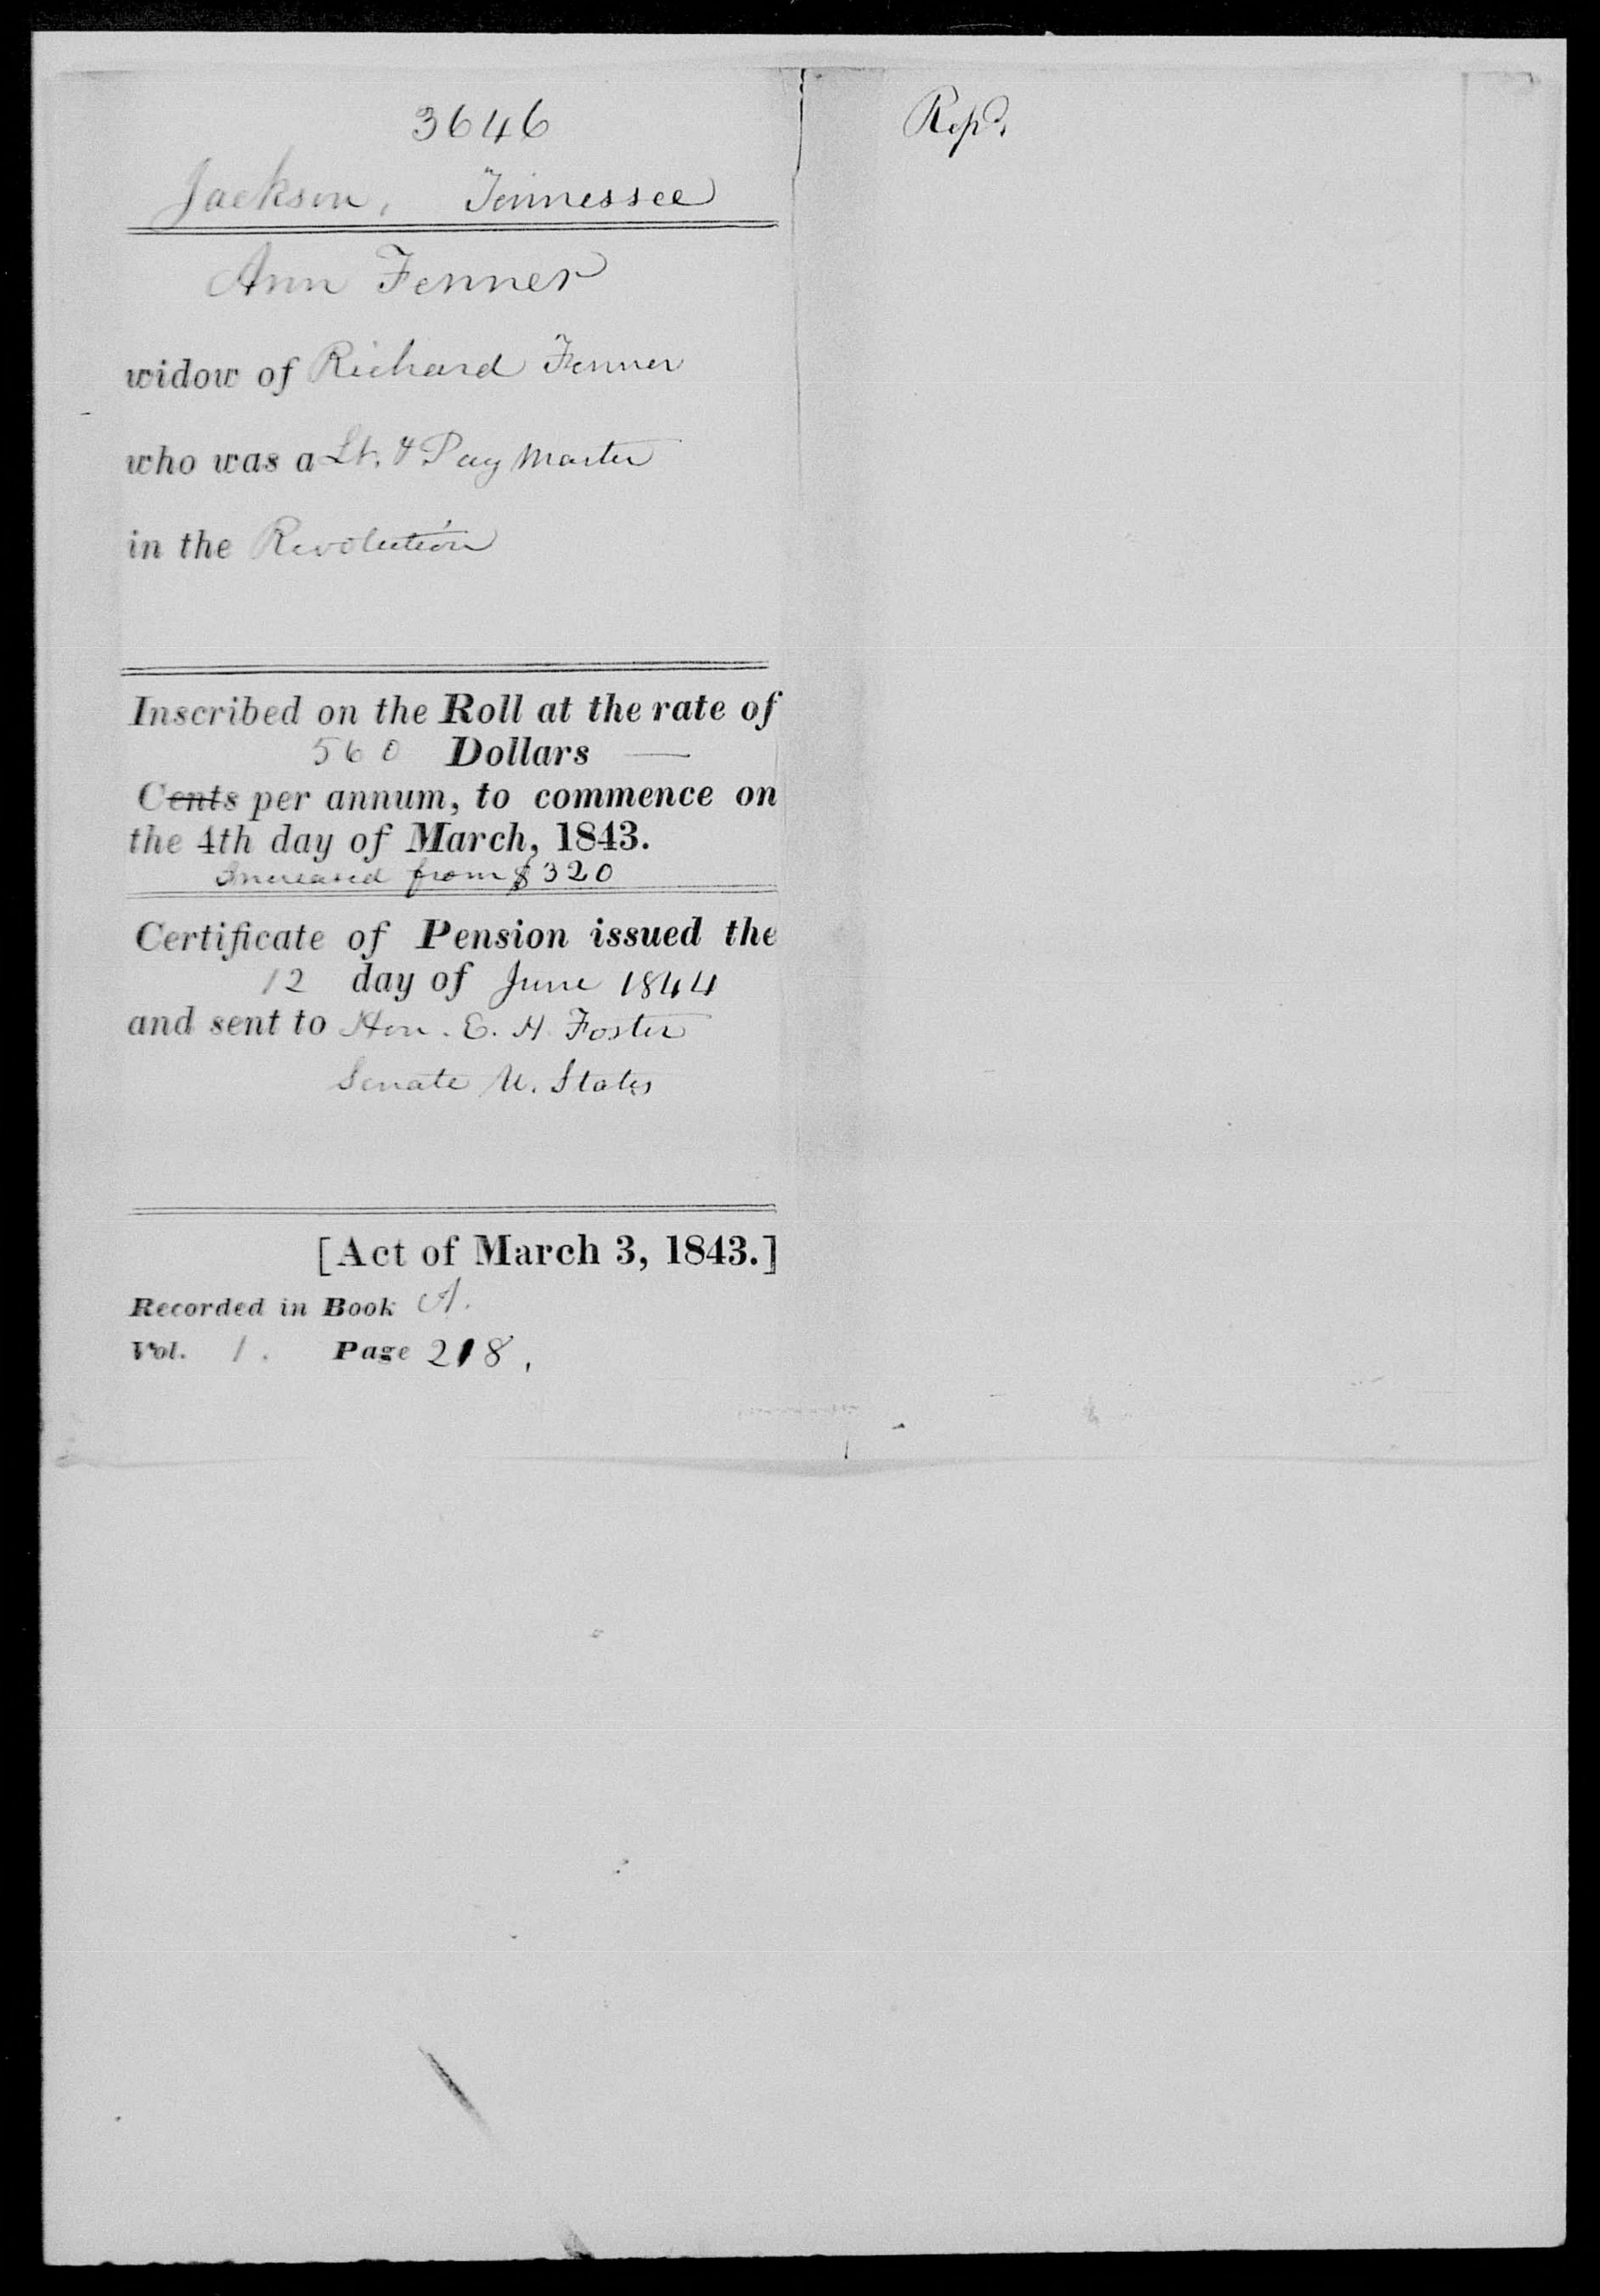3646

Jackson, Tennessee

Ann Fenner
widow of Richard Fenner
was was a Lt. & Pay master
in the Revolution

Inscribed on the Roll at the rate of
560 Dollars -
Cents per annum, to commence on
the 4th day of March, 1843.
Increased from $320

Certificate of Pension issued the
12 day of June 1844
and sent to Hon E. H. Foster
Senate U. States

(Act of March 3, 1843)
Recorded in Book A
Vol 1. Page 218.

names: Ann Fenner, E H Foster, Richard Fenner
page: 14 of 39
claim: widow's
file: W. 789, Richard Fenner, N.C.